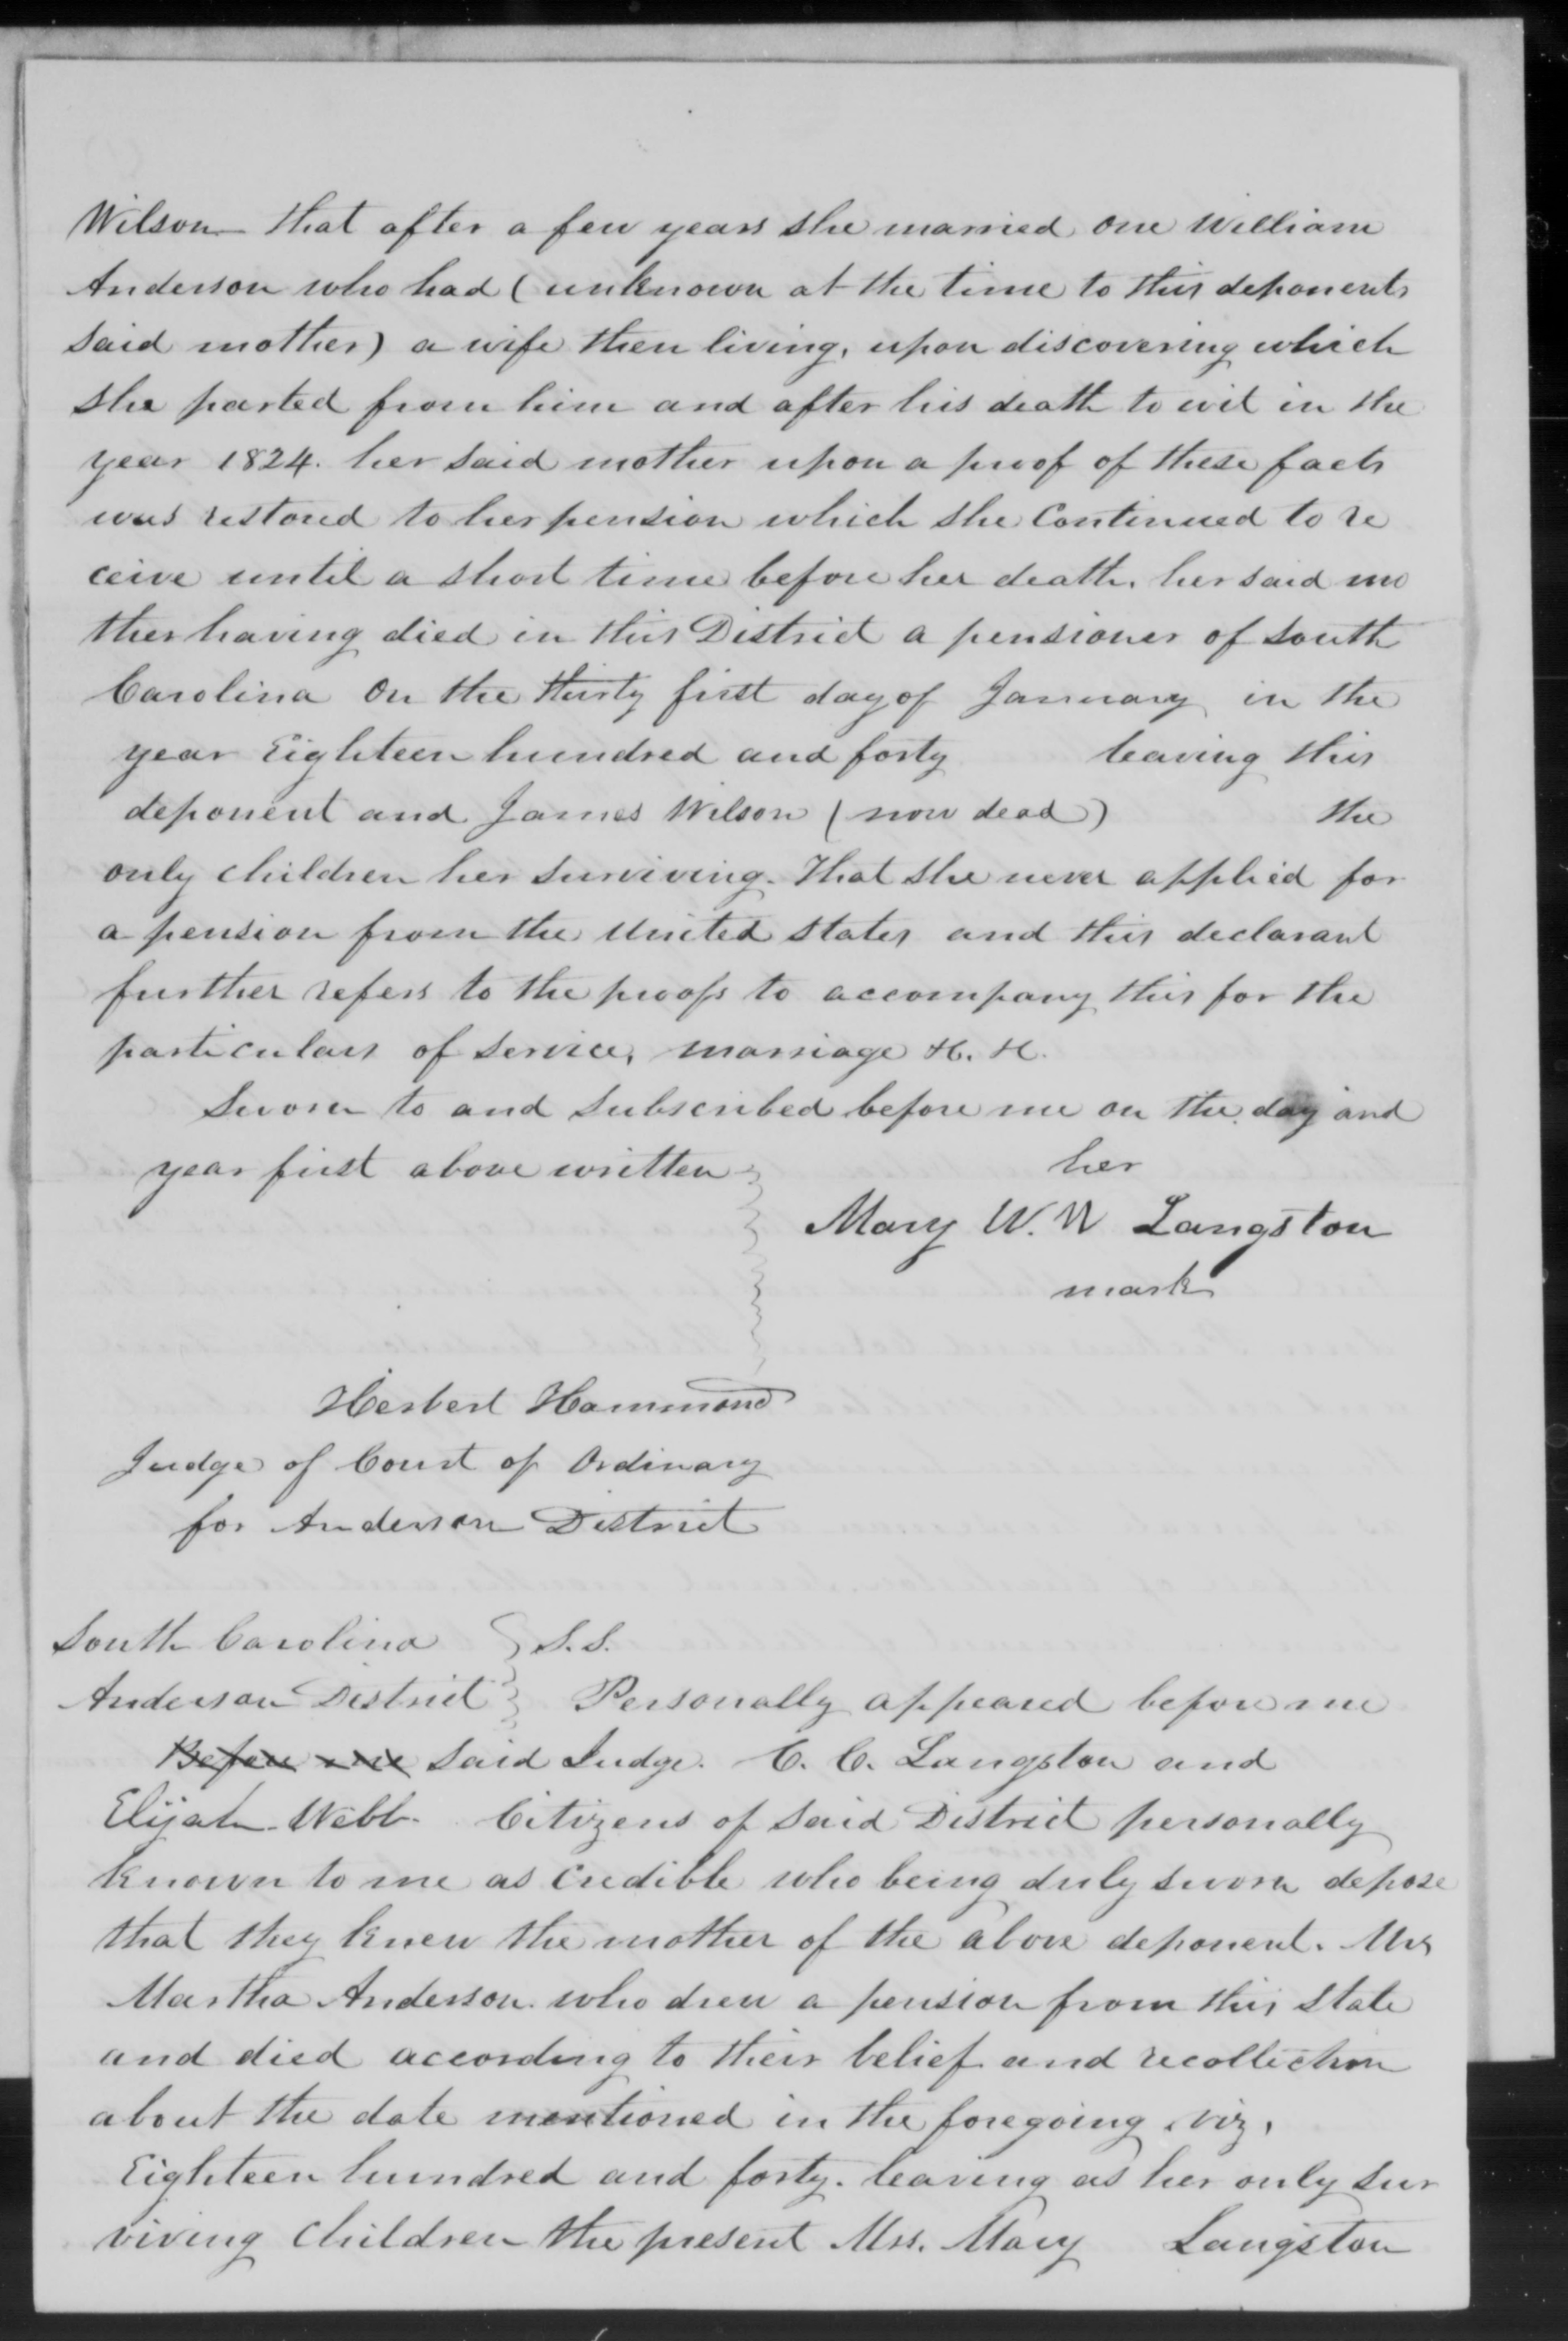Wilson that after a few years she married one William 
Anderson who had (unknown at the time to this deponents
said mother) a wife then living, upon discovering which 
she parted from him and after his death to wit in the 
year 1824 her said mother upon a proof of these facts
was restored to her pension which she continued to receive
until a short time before her death, her said mother
having died in this District a pensioner of South 
Carolina on the thirty first day of January in the 
year Eighteen hundred and forty having this 
deponent and James Wilson (now dead) the 
only children her surviving.  That she never applied for 
a pension from the United States and this declarant 
further refers to the proofs to accompany this for the 
particulars of service, marriage &c. &c.  

Mary W. Langston  W  her mark

Sworn to and subscribed before me on the day and 
year first above written

Herbert Hammond
Judge of Court of Ordinary
for Anderson District


South Carolina
Anderson District

Personally appeared before me 
said Judge C. C. Langston and 
Elijah Webb Citizens of said District personally
known to me as credible who being duly sworn depose
that they knew the mother of the above deponent Mrs
Martha Anderson who died a pension from this State
and died according to their belief and recollection 
about the date mentioned in the foregoing viz,
Eighteen hundred and forty leaving as her only surviving
children the present Mrs. Mary Langston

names: Martha Anderson, Elijah Webb, William Anderson, Mary W W Langston, James Wilson, C C Langston, Mary Langston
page: 4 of 18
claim: rejected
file: R. 195, James Wilson, S. C.